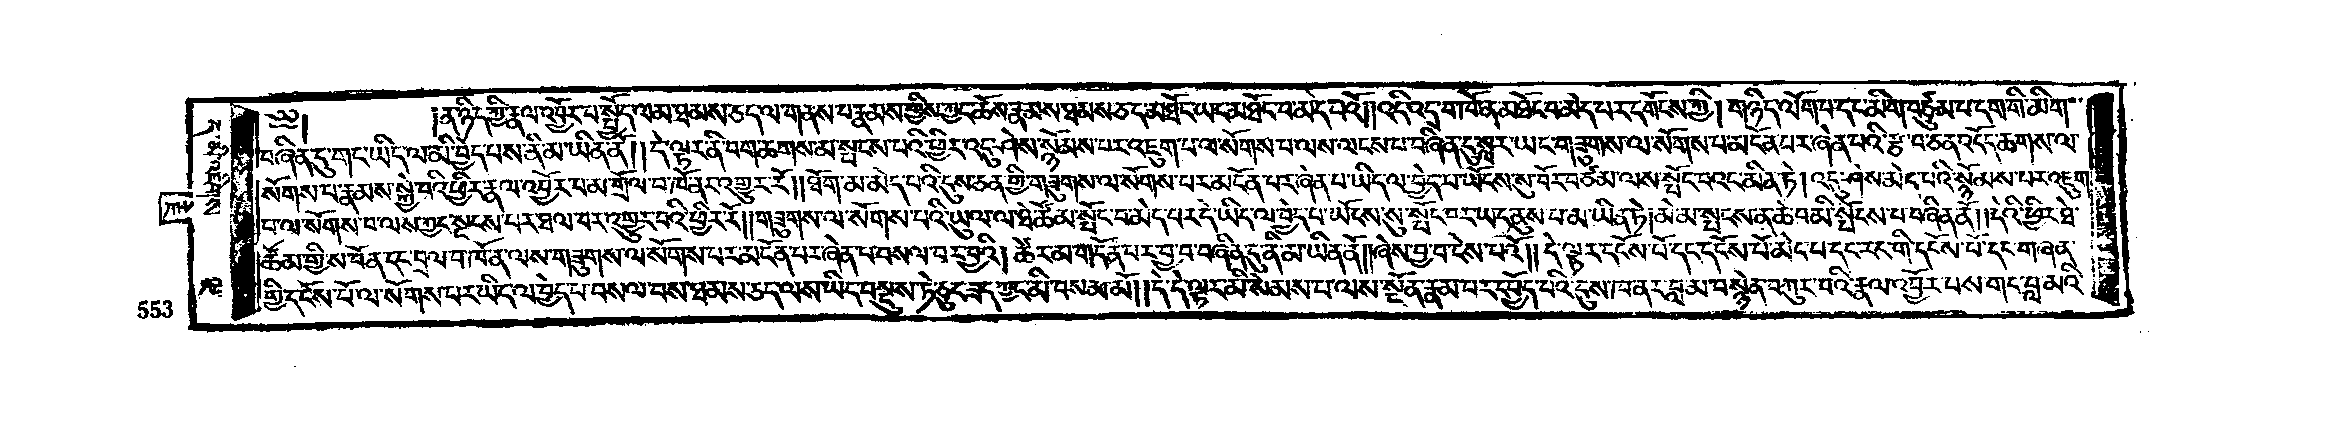༄༅། །ན་ཉིད་ཀྱི་རྣལ་འབྱོར་པ་སྤྱོད་ལམ་ཐམས་ཅད་ལ་གནས་པ་རྣམས་ཀྱིས་ཀྱང་ཆོས་རྣམས་ཐམས་ཅད་མཐོང་ཡང་མཐོང་བ་མེད་པའོ། །འདི་འདྲ་བ་ཁོ་ན་མཐོང་བ་མེད་པར་དགོངས་ཀྱི། གཉིད་ལོག་པ་དང་མིག་བཙུམ་པ་དག་གི་མིག་
བཞིན་དུ་གང་ཡིད་ལ་མི་བྱེད་པས་ནི་མ་ཡིན་ནོ། །དེ་ལྟར་ནི་བག་ཆགས་མ་སྤངས་པའི་ཕྱིར་འདུ་ཤེས་སྙོམས་པར་འཇུག་པ་ལ་སོགས་པ་ལས་ལངས་པ་བཞིན་དུ་སླར་ཡང་གཟུགས་ལ་སོགས་པ་མངོན་པར་ཞེན་པའི་རྩ་བ་ཅན་འདོད་ཆགས་ལ་
སོགས་པ་རྣམས་སྐྱེ་བའི་ཕྱིར་རྣལ་འབྱོར་པ་མ་གྲོལ་བ་ཁོ་ནར་འགྱུར་རོ། །ཐོག་མ་མེད་པའི་དུས་ཅན་གྱི་གཟུགས་ལ་སོགས་པར་མངོན་པར་ཞེན་པ་ཡིད་ལ་བྱེད་པ་ཡོངས་སུ་བོར་བཙམ་ལས་སྤོང་བའང་མིན་ཏེ། འདུ་ཤེས་མེད་པའི་སྙོམས་པར་འཇུག་
པ་ལ་སོགས་པ་ལས་ཀྱང་སྤངས་པར་ཐལ་བར་འགྱུར་བའི་ཕྱིར་རོ། །གཟུགས་ལ་སོགས་པའི་ཡུལ་ལ་ཐེ་ཚོམ་སྤོང་བ་མེད་པར་དེ་ཡིད་ལ་བྱེད་པ་ཡོངས་སུ་སྤོང་བར་ཡང་ནུས་པ་མ་ཡིན་ཏེ། མེ་མ་སྤངས་ན་ཆེ་བ་མི་སྤོང་བ་བཞིན་ནོ། །དེའི་ཕྱིར་ཐེ་
ཚོམ་གྱི་ས་བོན་དང་བྲལ་བ་ཁོ་ན་ལས་གཟུགས་ལ་སོགས་པར་མངོན་པར་ཞེན་པ་བསལ་བར་བྱའི། ཚེར་མ་གདོན་པར་བྱ་བ་བཞིན་དུ་ནི་མ་ཡིན་ནོ། །ཞེས་བྱ་བ་ངེས་པའོ། །དེ་ལྟར་དངོས་པོ་དང་དངོས་པོ་མེད་པ་དང་རང་གི་དངོས་པོ་དང་གཞན་
གྱི་དངོས་པོ་ལ་སོགས་པར་ཡིད་ལ་བྱེད་པ་བསལ་བས་ཐམས་ཅད་ལས་ཡིད་བསྡུས་ཏེ་ཅུང་ཟད་ཀྱང་མི་བསམ་མོ། །དེ་དེ་ལྟར་མི་སེམས་པ་ལས་སྔོན་རྣམ་པར་དཔྱོད་པའི་དུས་ཁོ་ནར་བླ་མ་བསྙེན་བཀུར་བའི་རྣལ་འབྱོར་པས་གང་བླ་མའི་